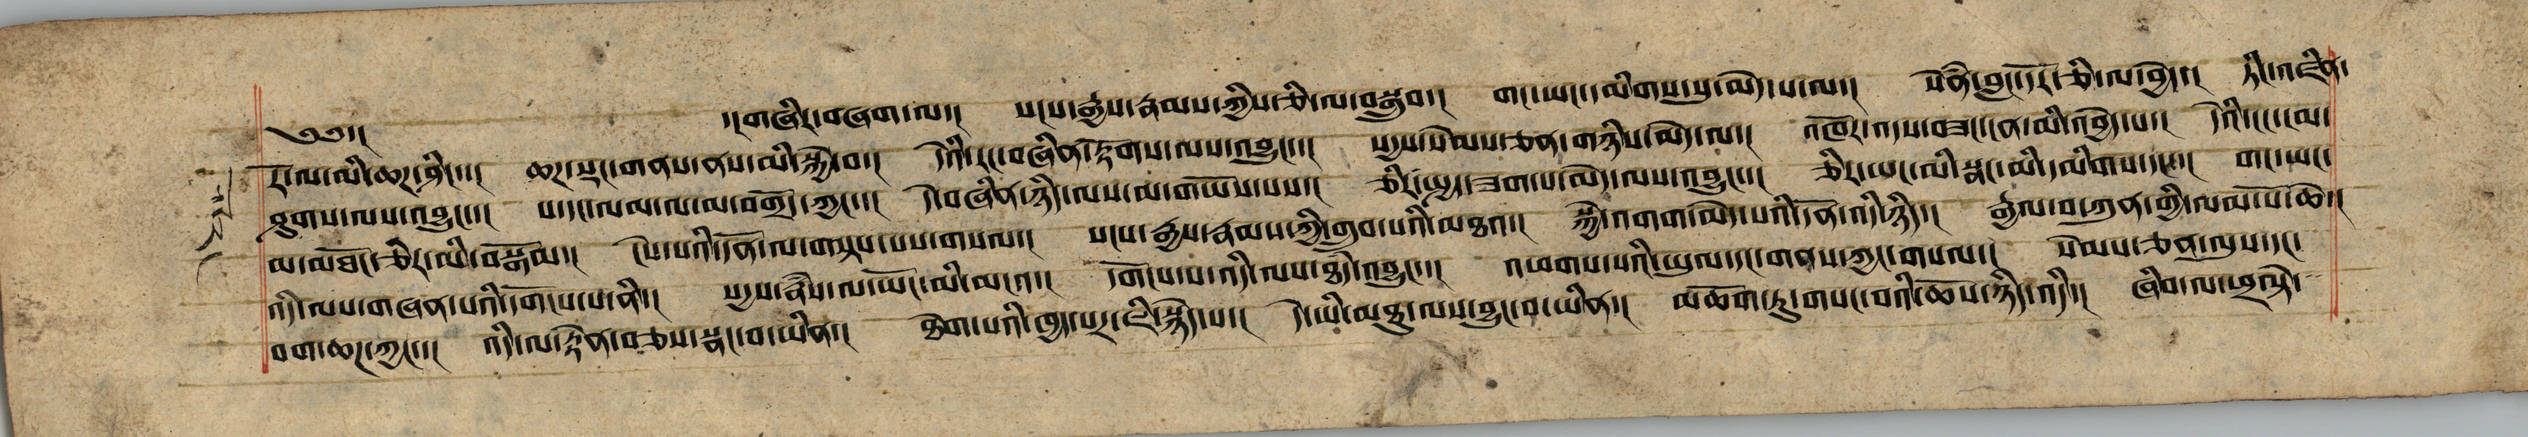་།གཞིར་བཞག་ལ་། སངས་རྒྱས་རྣམས་ཀྱིས་ཅི་ལ་བསྒྲུབ་། གང་ཡང་དམིགས་སུ་མེད་པ་ལ་། སེནཾ་བླང་དོར་ཅི་ལ་བྱེད་། ཏིང་འཛིན་
རོ་ལ་མི་ཆཌ་ཤིང་་། ཆཌ་སྡང་གནས་ནས་མི་སྐྱེ་བ་། དེའི་རང་བཞིན་རྟོགས་ལས་འབྱུང་་། སདྱས་སེམས་ཅན་གཉིས་མེད་ལ་། འཁོར་འདས་བཟང་ངན་མི་འབྱེད་པ་། དེའི་ངང་ངམ་
ཤུགས་ལས་འབྱུང་་། ས་དང་ལམ་ལ་མ་བགྲོད་ཀྱང་་། དེ་བཞིན་ཉིད་ལས་མ་གཡོས་པས་། ཅིར་སྤྱད་ཟག་པ་མེད་ལས་འབྱུང་་། ཅིར་ཡང་མི་སྣང་མི་དམིགས་དང་་། གང་ཡང་
མ་མཐོང་ཅིར་མི་བསྒོམ་། ངེས་པའི་དོན་ལ་གསྟས་པས་གསལ་། སངས་རྒྱས་རྣམས་ཀྱི་གྲུབ་པའི་མཐའ་། སྐྱེ་འགག་མེད་པའི་དོན་འདི་ཉིད་། རྒྱལ་བ་ཀུན་གྱི་ལམ་པོ་ཆེ་།
འདི་ལས་གཞན་པའི་་དགོངས་པ་ནི་། སདྱས་རྣཾས་ལ་ཡོང་མི་མངའ་། དགོངས་པ་འདི་ལས་ཐཾད་འབྱུང་་། འཕགས་པའི་ཡུལ་དང་གནས་ཀྱང་གསལ་། སེམས་ཅན་ལུས་དང་
བག་ཆཌ་ཀྱང་་། འདི་ལ་རྟེན་བཅས་སྣང་བ་ཡིན་། ཐེག་པའི་ཁྱད་པར་ཇི་སྙིད་པ་། དེ་ཡི་མཐུ་ལས་བྱུང་བ་ཡིན་། མཆོག་ཏུ་གསང་བའི་ཆོས་ཉིད་འདི་། ཞིབ་ལ་ཕྲ་སྟེ་